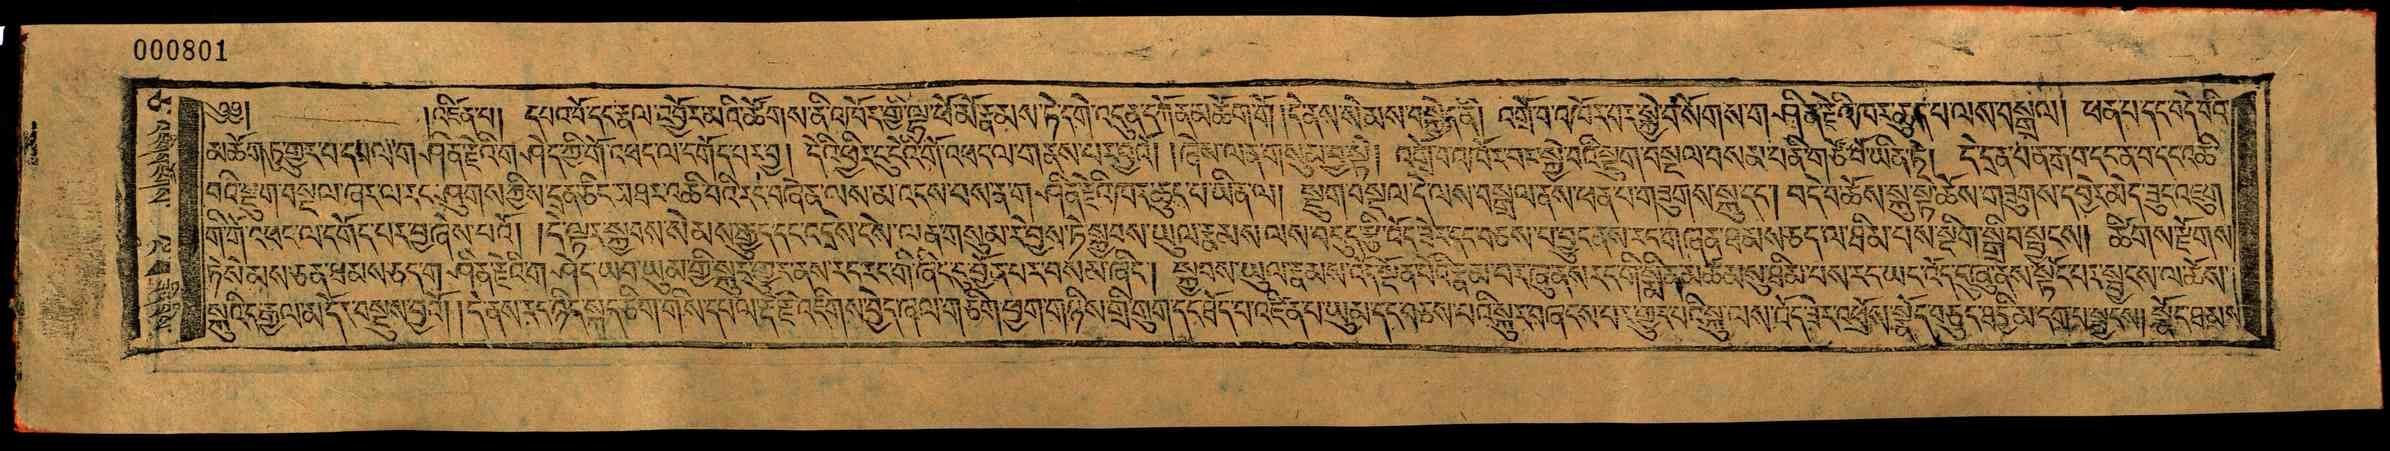༄༅། །འཛིན་པ། དཔའ་བོ་དང་རྣལ་འབྱོར་མའི་ཚོགས་ནི་འཁོར་གྱི་ལྷ་ཕོ་མོ་རྣམས་ཏེ་དགེ་འདུན་དཀོན་མཆོག་གོ །དེ་ནས་སེམས་བསྐྱེད་ནི། འགྲོ་བ་འཁོར་བར་སྐྱེ་བ་སོགས་གཤིན་རྗེའི་ཁར་ཆུད་པ་ལས་བསྒྲལ། ཕན་པ་དང་བདེ་བའི་
མཆོག་ཏུ་གྱུར་པ་དཔལ་གཤིན་རྗེའི་གཤེད་ཀྱི་གོ་འཕང་ལ་དགོད་པར་བྱ། དེའི་ཕྱིར་དུ་དེའི་གོ་འཕང་ལ་གནས་པར་བྱའོ། །ཞེས་ལན་གསུམ་བྱ་སྟེ། འགྲོ་བ་འཁོར་བར་སྐྱེ་བའི་སྡུག་བསྔལ་བསམ་པ་ནི་གཙོ་བོ་ཡིན་ཏེ། དེ་དྲན་པ་ན་རྒ་བ་དང་ན་བ་དང་འཆི་
བའི་སྡུག་བསྔལ་ཞར་ལ་རང་ཤུགས་ཀྱིས་དྲན་ཅིང་མཐར་འཆི་བའི་རང་བཞིན་ལས་མ་འདས་པས་ན་གཤིན་རྗེའི་ཁར་ཆུད་པ་ཡིན་ལ། སྡུག་བསྔལ་དེ་ལས་བསྒྲལ་ནས་ཕན་པ་གཟུགས་སྐུ་དང་། བདེ་བ་ཆོས་སྐུ་སྟེ་ཆོས་གཟུགས་དབྱེར་མེད་ཟུང་འཇུག་
གི་གོ་འཕང་ལ་དགོད་པར་བྱ་ཞེས་པའོ། །དེ་ལྟར་སྐྱབས་སེམས་རྒྱུད་དང་འདྲེས་ངེས་ལན་གསུམ་རེ་བྱས་ཏེ་སྐྱབས་ཡུལ་རྣམས་ལས་བདུད་རྩི་འོད་ཟེར་དང་བཅས་པ་བྱུང་ནས་རང་གཞན་ཐམས་ཅད་ལ་ཐིམ་པས་སྡིག་སྒྲིབ་སྦྱངས། ཚོགས་རྫོགས་
ཏེ་སེམས་ཅན་ཐམས་ཅད་གཤིན་རྗེའི་གཤེད་ཡབ་ཡུམ་གྱི་སྐུར་གྱུར་ནས་རང་རང་གི་ཞིང་དུ་བྱོན་པར་བསམ་ཞིང་། སྐྱབས་ཡུལ་རྣམས་འོད་ཆེན་པོའི་རྣམ་པར་ཞུ་ནས་རང་གི་སྨིན་མཚམས་སུ་ཐིམ་པས་རང་ཡང་འོད་དུ་ཞུ་ནས་སྟོང་པར་སྦྱངས་ལ་ཆོས་
སྐུའི་ང་རྒྱལ་མདོར་བསྡུས་བྱའོ། །དེ་ནས་རང་ཉིད་སྐད་ཅིག་གིས་དཔལ་རྡོ་རྗེ་འཇིགས་བྱེད་ཞལ་གཅིག་ཕྱག་གཉིས་གྲི་གུག་དང་ཐོད་པ་འཛིན་པ་ཡུམ་དང་བཅས་པའི་སྐུར་བཞེངས་པར་གྱུར་པའི་སྐུ་ལས་འོད་ཟེར་འཕྲོས་སྣོད་བཅུད་ཐམ་ཅད་མ་དག་པ་སྦྱངས། སྣོད་ཐམས་